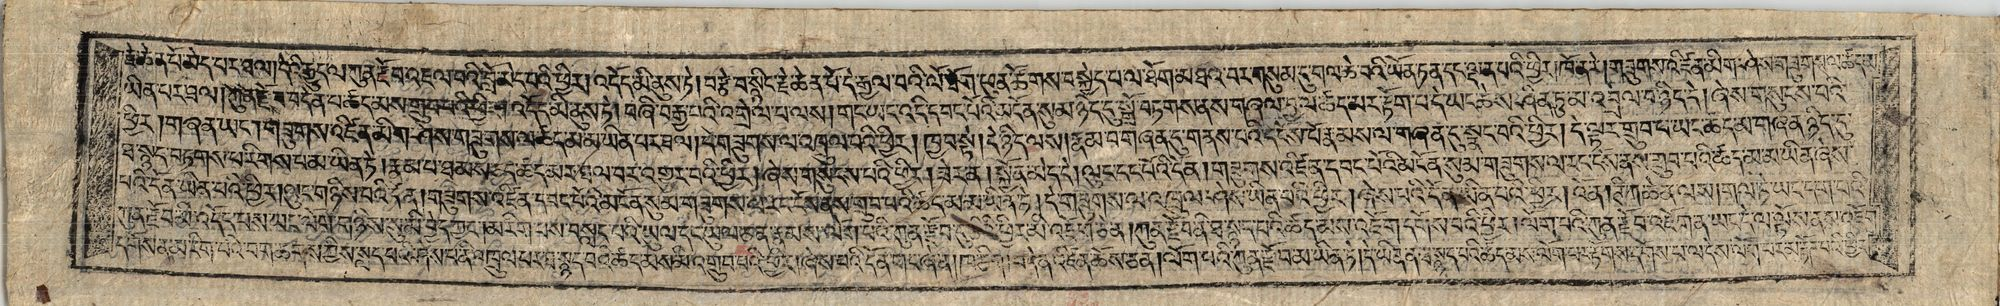རྗེ་ཆེན་པོ་མེད་པར་ཐལ། དེའི་རྒྱུད་ལ་ཀུན་རྫོབ་འཇལ་བའི་བློ་མེད་པའི་ཕྱིར། འདོད་མི་ནུས་ཏེ། བརྩེ་བ་སྙིང་རྗེ་ཆེན་པོ་དེ་རྒྱལ་བའི་ལོ་ཐོག་ཕུན་ཚོགས་བསྐྱེད་པ་ལ་ཐོག་མཐའ་བར་གསུམ་དུ་གལ་ཆེ་བའི་ཡོན་ཏན་དང་ལྡན་པའི་ཕྱིར། ཁོ་ན་རེ། གཟུགས་འཛིན་མིག་ཤེས་གཟུགས་ལ་ཚད་མ་
ཡིན་པར་ཐལ། ཀུན་རྫོབ་བདེན་པ་ཚད་མས་གྲུབ་པའི་ཕྱིར། འདོད་མི་ནུས་ཏེ། བཞི་བརྒྱ་པའི་འགྲེལ་པ་ལས། གང་ཡང་འདི་དབང་པོའི་མངོན་སུམ་ཉིད་དུ་སྒྲོ་བཏགས་ནས་གཞལ་བྱ་ལ་ཚད་མར་རྟོག་པ་དེ་ཡང་ཆེས་ཤིན་ཏུ་མ་འབྲེལ་བ་ཉིད་དེ། ཞེས་གསུངས་པའི་
ཕྱིར། གཞན་ཡང་། གཟུགས་འཛིན་མིག་ཤེས་གཟུགས་ལ་ཚད་མ་མ་ཡིན་པར་ཐལ། དེ་གཟུགས་ལ་འཁྲུལ་པའི་ཕྱིར། ཁྱབ་སྟེ། དེ་ཉིད་ལས། རྣམ་པ་གཞན་དུ་གནས་པའི་དངོས་པོ་རྣམས་ལ་གཞན་དུ་སྣང་བའི་ཕྱིར། དེ་ལྟར་གྲུབ་པ་ཡང་ཚད་མ་གཞན་ཉིད་དུ་
ཐ་སྙད་བཏགས་པ་རིགས་པ་མ་ཡིན་ཏེ། རྣམ་པ་ཐམས་ཅད་ཚད་མར་ཐལ་བར་འགྱུར་བའི་ཕྱིར། ཞེས་གསུངས་པའི་ཕྱིར། ཟེར་ན། སྐྱོན་མེད་དེ། ལུང་དང་པོའི་དོན། གཟུགས་འཛིན་དབང་པོའི་མངོན་སུམ་གཟུགས་ལ་རང་ངོས་ནས་གྲུབ་པའི་ཚད་མ་མ་ཡིན་ཞེས་
པའི་དོན་ཡིན་པའི་ཕྱིར། ལུང་གཉིས་པའི་དོན། གཟུགས་འཛིན་དབང་པོའི་མངོན་སུམ་གཟུགས་ལ་རང་ངོས་ནས་གྲུབ་པའི་ཚད་མ་མ་ཡིན་ཏེ། དེ་གཟུགས་ལ་འཁྲུལ་ཤེས་ཡིན་པའི་ཕྱིར། ཞེས་པའི་དོན་ཡིན་པའི་ཕྱིར། འོ་ན་ཊིཀ་ཆེན་ལས། གལ་ཏེ་ཡང་དག་པའི་
ཀུན་རྫོབ་མི་འདོད་པས་ཡང་ལོག་གཉིས་སུ་མི་བྱེད་ཀྱང་། མ་རིག་པས་བསླད་པའི་ཡུལ་དང་ཡུལ་ཅན་རྣམས་ལེགྤའི་ཀུན་རྫོབ་དུ་ཅིའི་ཕྱིར་མི་འཇོག་ཅེ་ན། ཀུན་རྫོབ་ནི་ཐ་སྙད་པའི་ཚད་མས་འཇོག་དགོས་བའི་ཕྱིར། ལོག་པའི་ཀུན་རྫོབ་འཇོག་ན་ཡང་དེ་ལ་ལྟོས་ནས་འཇོག་
དགོས་ན་མ་རིག་པའི་བག་ཆགས་ཀྱིས་སླད་པའི་ཤེས་པ་ནི་འཁྲུལ་པར་ཐ་སྙད་པའི་ཚད་མས་མི་འགྲུབ་པའི་ཕྱིར། ཞེས་པའི་དོན་གང་ཞེ་ན། ཁ་ཅིག ། བདེན་འཛིན་ཆོས་ཅན། ལོག་པའི་ཀུན་རྫོབ་མ་ཡིན་ཏེ། དེ་ཡིན་ན་ཐ་སྙད་པའི་ཚད་མས་ལོག་པར་རྟོགས་དགོས་པ་ལ་དེས་ལོག་པར་མ་རྟོཌ་པའི་ཕྱིར་